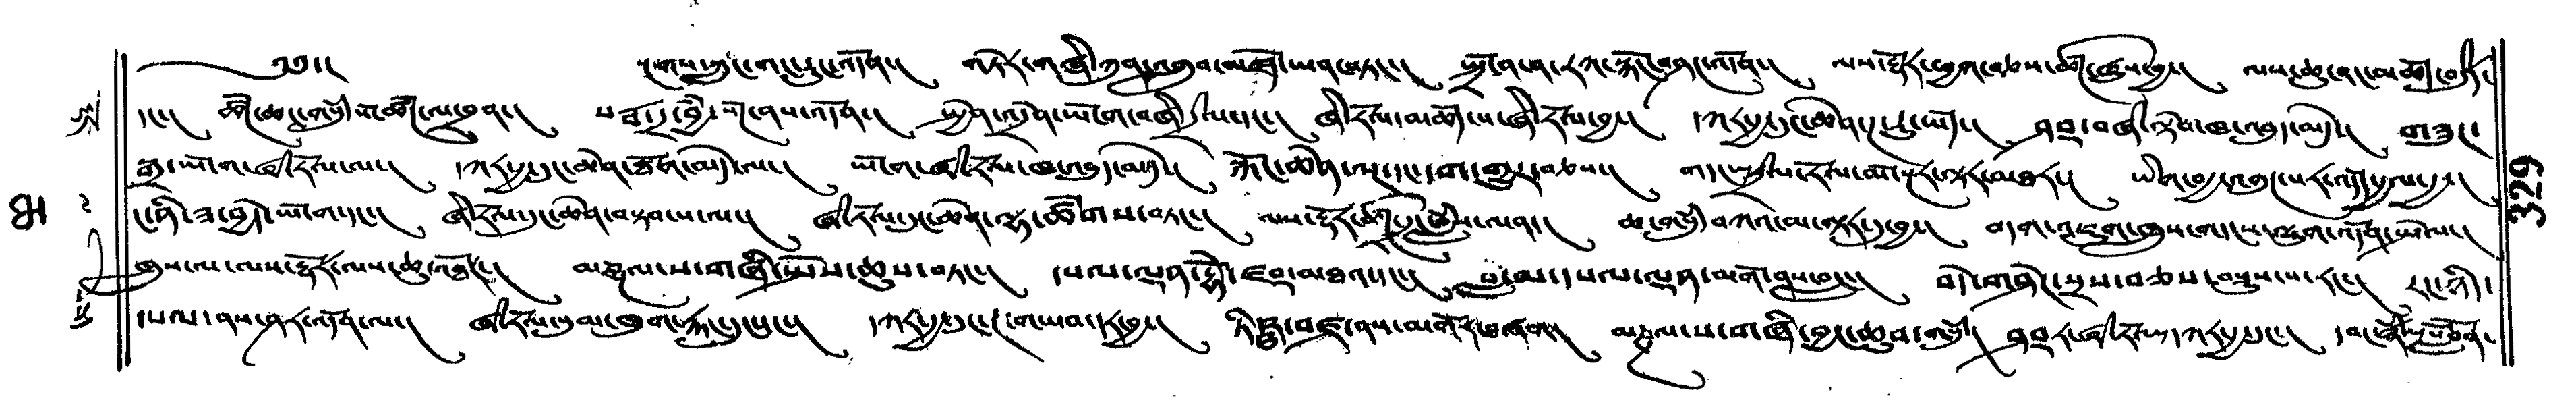སྔགས་སྲུང་གང་རུང་འདོན། །གཏེར་གཞི་ཀུན་འགྲུབ་མཛོད༴ ཡན་བཏང་། །སྤྲོ་ན་ན་རཀ་སྐོང་བཤགས་འདོན། །ལས་རྡོར་ཕྱག་བཅས་ཚོགས་ཞུས་བྱ། །ལས་ཆུ་ནང་མཆོད་བདུད་རྩི་
དང་། །ཚོགས་ཆང་གསུམ་པོ་ཚོགས་ལ་བྲན། །སརྦ་དྲ་བྱཾ༴ སོགས་ནས་འདོན། །སྤྱན་འདྲེན་ཡོ་ག་བཞི་དྲིལ་དང་། །ཞི་རོལ་མཆོད་པ་ཞི་རོལ་བྱ། །དཀར་རྒྱ་དུང་ཆེན་ཌ་རུ་ཡོད། །ཤབྡ༴ བཞི་རྡེབ་ཁ་འབུད་མེད། །གཟུགས་
སྒྲ༴ ཡོ་ག་ཞི་རོལ་ལ། །དཀར་རྒྱ་དུང་ཆེན་ཐོག་མེད་ལ། །ཡོ་ག་ཞི་རོལ་ཁ་འབུད་མེད། སྐོང་ཆེན་ལྔ་དང་དག་གྱུར༴ བཅས། ། གདངས་དྲིལ་རོལ་མོ་སྔར་ལྟར་མཐར། །ཡིག་བརྒྱ་འགུགས་པར་འདོད་རྒྱལ་རྒྱ། །
ང་ནི་ཟ་བྱེད༴ ཡོ་ག་དང་། །ཞི་རོལ་དུང་ཆེན་བསྟབ་པ་ལ། །ཞི་རོལ་དུང་ཆེན་ལྷ་ཚོགས༴ བཏང་། །ལས་རྡོར་ཚོགས་དྲང་བླ་མས་ལན། ཆ་གསུམ་བཀའ་མ་ལྟར་དུ་བྱ། །བདག་འཇུག་ཁྲུས་གདངས་ལྷུག་འདོན་སྤེལ། །
ཁྲུས་ལ་ལས་རྡོར་ལས་ཆུ་འཐོར། །མཎྜལ་ས་གཞི་སྤོས་ཆུས༴ བཏང་། དཔལ་ལྡན་རྡོ་རྗེ༴ འཛབ་མཐའ་དང་། །བླ་མ་དཔལ་ལྡན༴ འགོ་ནས་བླང་། །བདེ་གཤེགས་སྲས་བཅས༴ བསྡུས་པ་རང་། །རང་ཉིད་
དཔལ༴ ནས་ཤར་འདོན་ལ། །ཞི་རོལ་སུམ་ཁུག་རྐང་དུང་དང་། །དཀར་རྒྱ་དུང་ཌཱ་གཡབ་དར་བྱ།།ཏིཥྛ་བཛྲ་ནས་མགོར་བཞག །མཎྜལ་ས་གཞི༴ བྱང་ཆུབ༴ གསུམ། །ཤབྡ ར་ཞི་རོལ་དཀར་རྒྱ་དུང་། །དབང་རྣམས་སློབ་དཔོན་